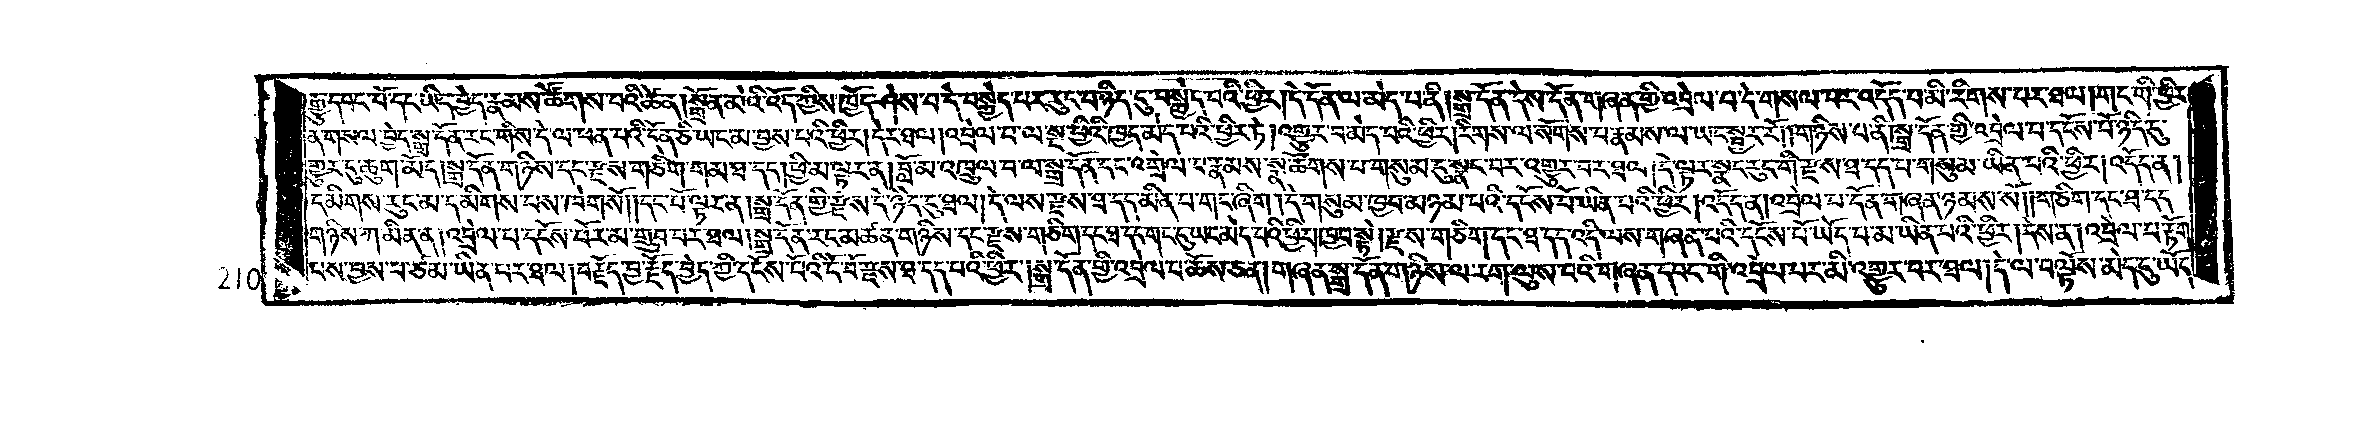རྒྱུ་དབང་པོ་དང་ཡིད་བྱེད་རྣམས་ཚོགས་པའི་ཚེ་ན། སྒྲོན་མེའི་འོད་ཀྱིས་ཁྱོད་ཤེས་པ་དེ་བསྐྱེད་པར་རུང་བ་ཉིད་དུ་བསྐྱེད་པའི་ཕྱིར། དེ་དོན་ལ་མེད་པ་ནི། སྒྲ་དོན་དེས་དོན་གཞན་གྱི་འབྲེལ་པ་དེ་གསལ་བར་འདོད་པ་མི་རིགས་པར་ཐལ། གང་གི་ཕྱིར་
ན་གསལ་བྱེད་སྒྲ་དོན་རང་གིས་དེ་ལ་ཕན་པའི་དོན་ཅི་ཡང་མ་བྱས་པའི་ཕྱིར། དེར་ཐལ། འབྲེལ་པ་ལ་སྔ་ཕྱིའི་ཁྱད་མེད་པའི་ཕྱིར་ཏེ། འགྱུར་བ་མེད་པའི་ཕྱིར། རིགས་ལ་སོགས་པ་རྣམས་ལ་ཡང་སྦྱར་རོ། །གཉིས་པ་ནི། སྒྲ་དོན་གྱི་འབྲེལ་པ་དངོས་པོ་ཉིད་དུ་
གྱུར་དུ་ཆུག་མོད། སྒྲ་དོན་གཉིས་དང་རྫས་གཅིག་གམ་ཐ་དད། ཕྱི་མ་ལྟར་ན། བློ་མ་འཁྲུལ་པ་ལ་སྒྲ་དོན་དང་འགྲེལ་པ་རྣམས་སྣ་ཚོགས་པ་གསུམ་དུ་སྣང་བར་འགྱུར་བར་ཐལ། དེ་ལྟར་སྣང་རུང་གི་རྫས་ཐ་དད་པ་གསུམ་ཡིན་པའི་ཕྱིར། འདོད་ན།
དམིགས་རུང་མ་དམིགས་པས་ཁེགས་སོ། །དང་པོ་ལྟར་ན། སྒྲ་དོན་གྱི་རྫས་དེ་ཉིད་དུ་ཐལ། དེ་ལས་རྫས་ཐ་དད་མིན་པ་གང་ཞིག །དེ་གསུམ་ཁྱབ་མཉམ་པའི་དངོས་པོ་ཡིན་པའི་ཕྱིར། འདོད་ན། འབྲེལ་པ་དོན་གཞན་ཉམས་སོ། །གཅིག་དང་ཐ་དད་
གཉིས་ཀ་མིན་ན། འབྲེལ་པ་དངོས་པོར་མ་གྲུབ་པར་ཐལ། སྒྲ་དོན་རང་མཚན་གཉིས་དང་རྫས་གཅིག་དང་ཐ་དད་གང་དུ་ཡང་མེད་པའི་ཕྱིར། ཁྱབ་སྟེ། རྫས་གཅིག་དང་ཐ་དད་འདི་ལས་གཞན་པའི་དངོས་པོ་ཡོད་པ་མ་ཡིན་པའི་ཕྱིར། དེས་ན། འབྲེལ་པ་རྟོག་
པས་བྱས་པ་ཙམ་ཡིན་པར་ཐལ། བརྗོད་བྱ་རྗོད་བྱེད་ཀྱི་དངོས་པོའི་ངོ་བོ་རྫས་ཐ་དད་པའི་ཕྱིར། སྒྲ་དོན་གྱི་འབྲེལ་པ་ཆོས་ཅན། གཞན་སྒྲ་དོན་གཉིས་ལ་རིག་ལུས་པའི་གཞན་དབང་གི་འབྲེལ་པར་མི་འགྱུར་བར་ཐལ། དེ་ལ་བལྟེས་?་མེད་དུ་ཡོད་